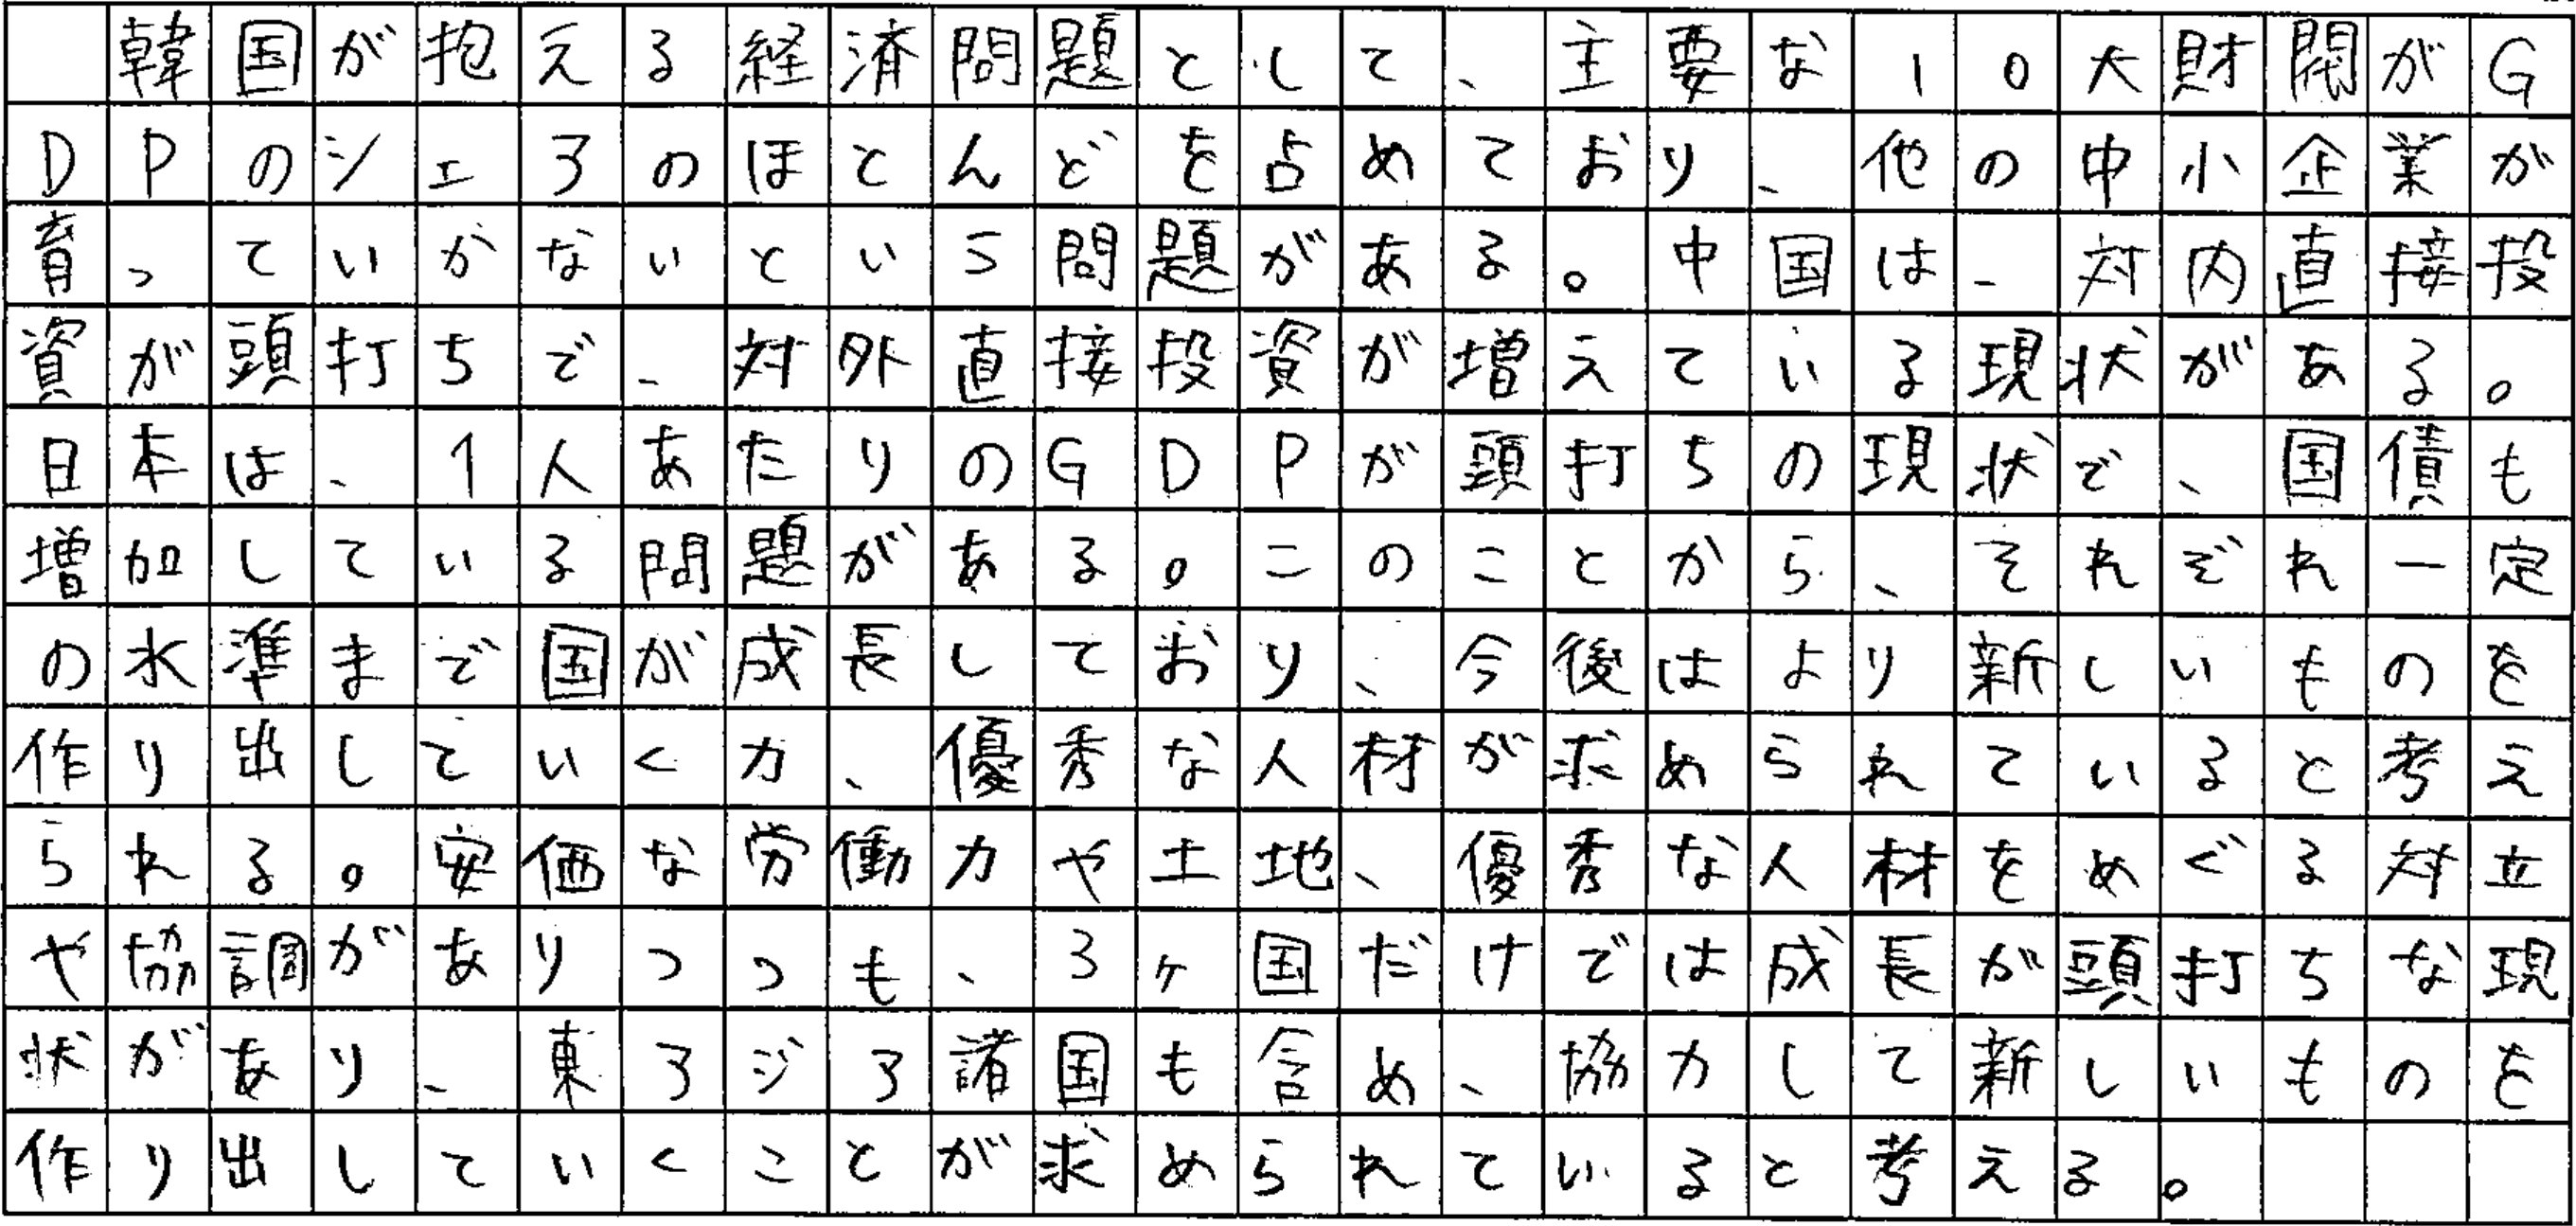　韓国が抱える経済問題として、主要な１０大財▁がＧＤＰのシェアのほとんどを占めており、他の中小企業が育っていかないという問題がある。中国は、対内直接投資が頭打ちで、対外直接投資が増えている現状がある。日本は、１人あたりのＧＤＰが頭打ちの現状で、国債も増加している問題がある。このことから、それぞれ一定の水準まで国が成長しており、今後はより新しいものを作り出していく力、優秀な人材が求められていると考えられる。安価な労働力や土地、優秀な人材をめぐる対立や協調がありつつも、３ヶ国だけでは成長が頭打ちな現状があり、東アジア諸国も含め、協力して新しいものを作り出していくことが求められていると考える。
